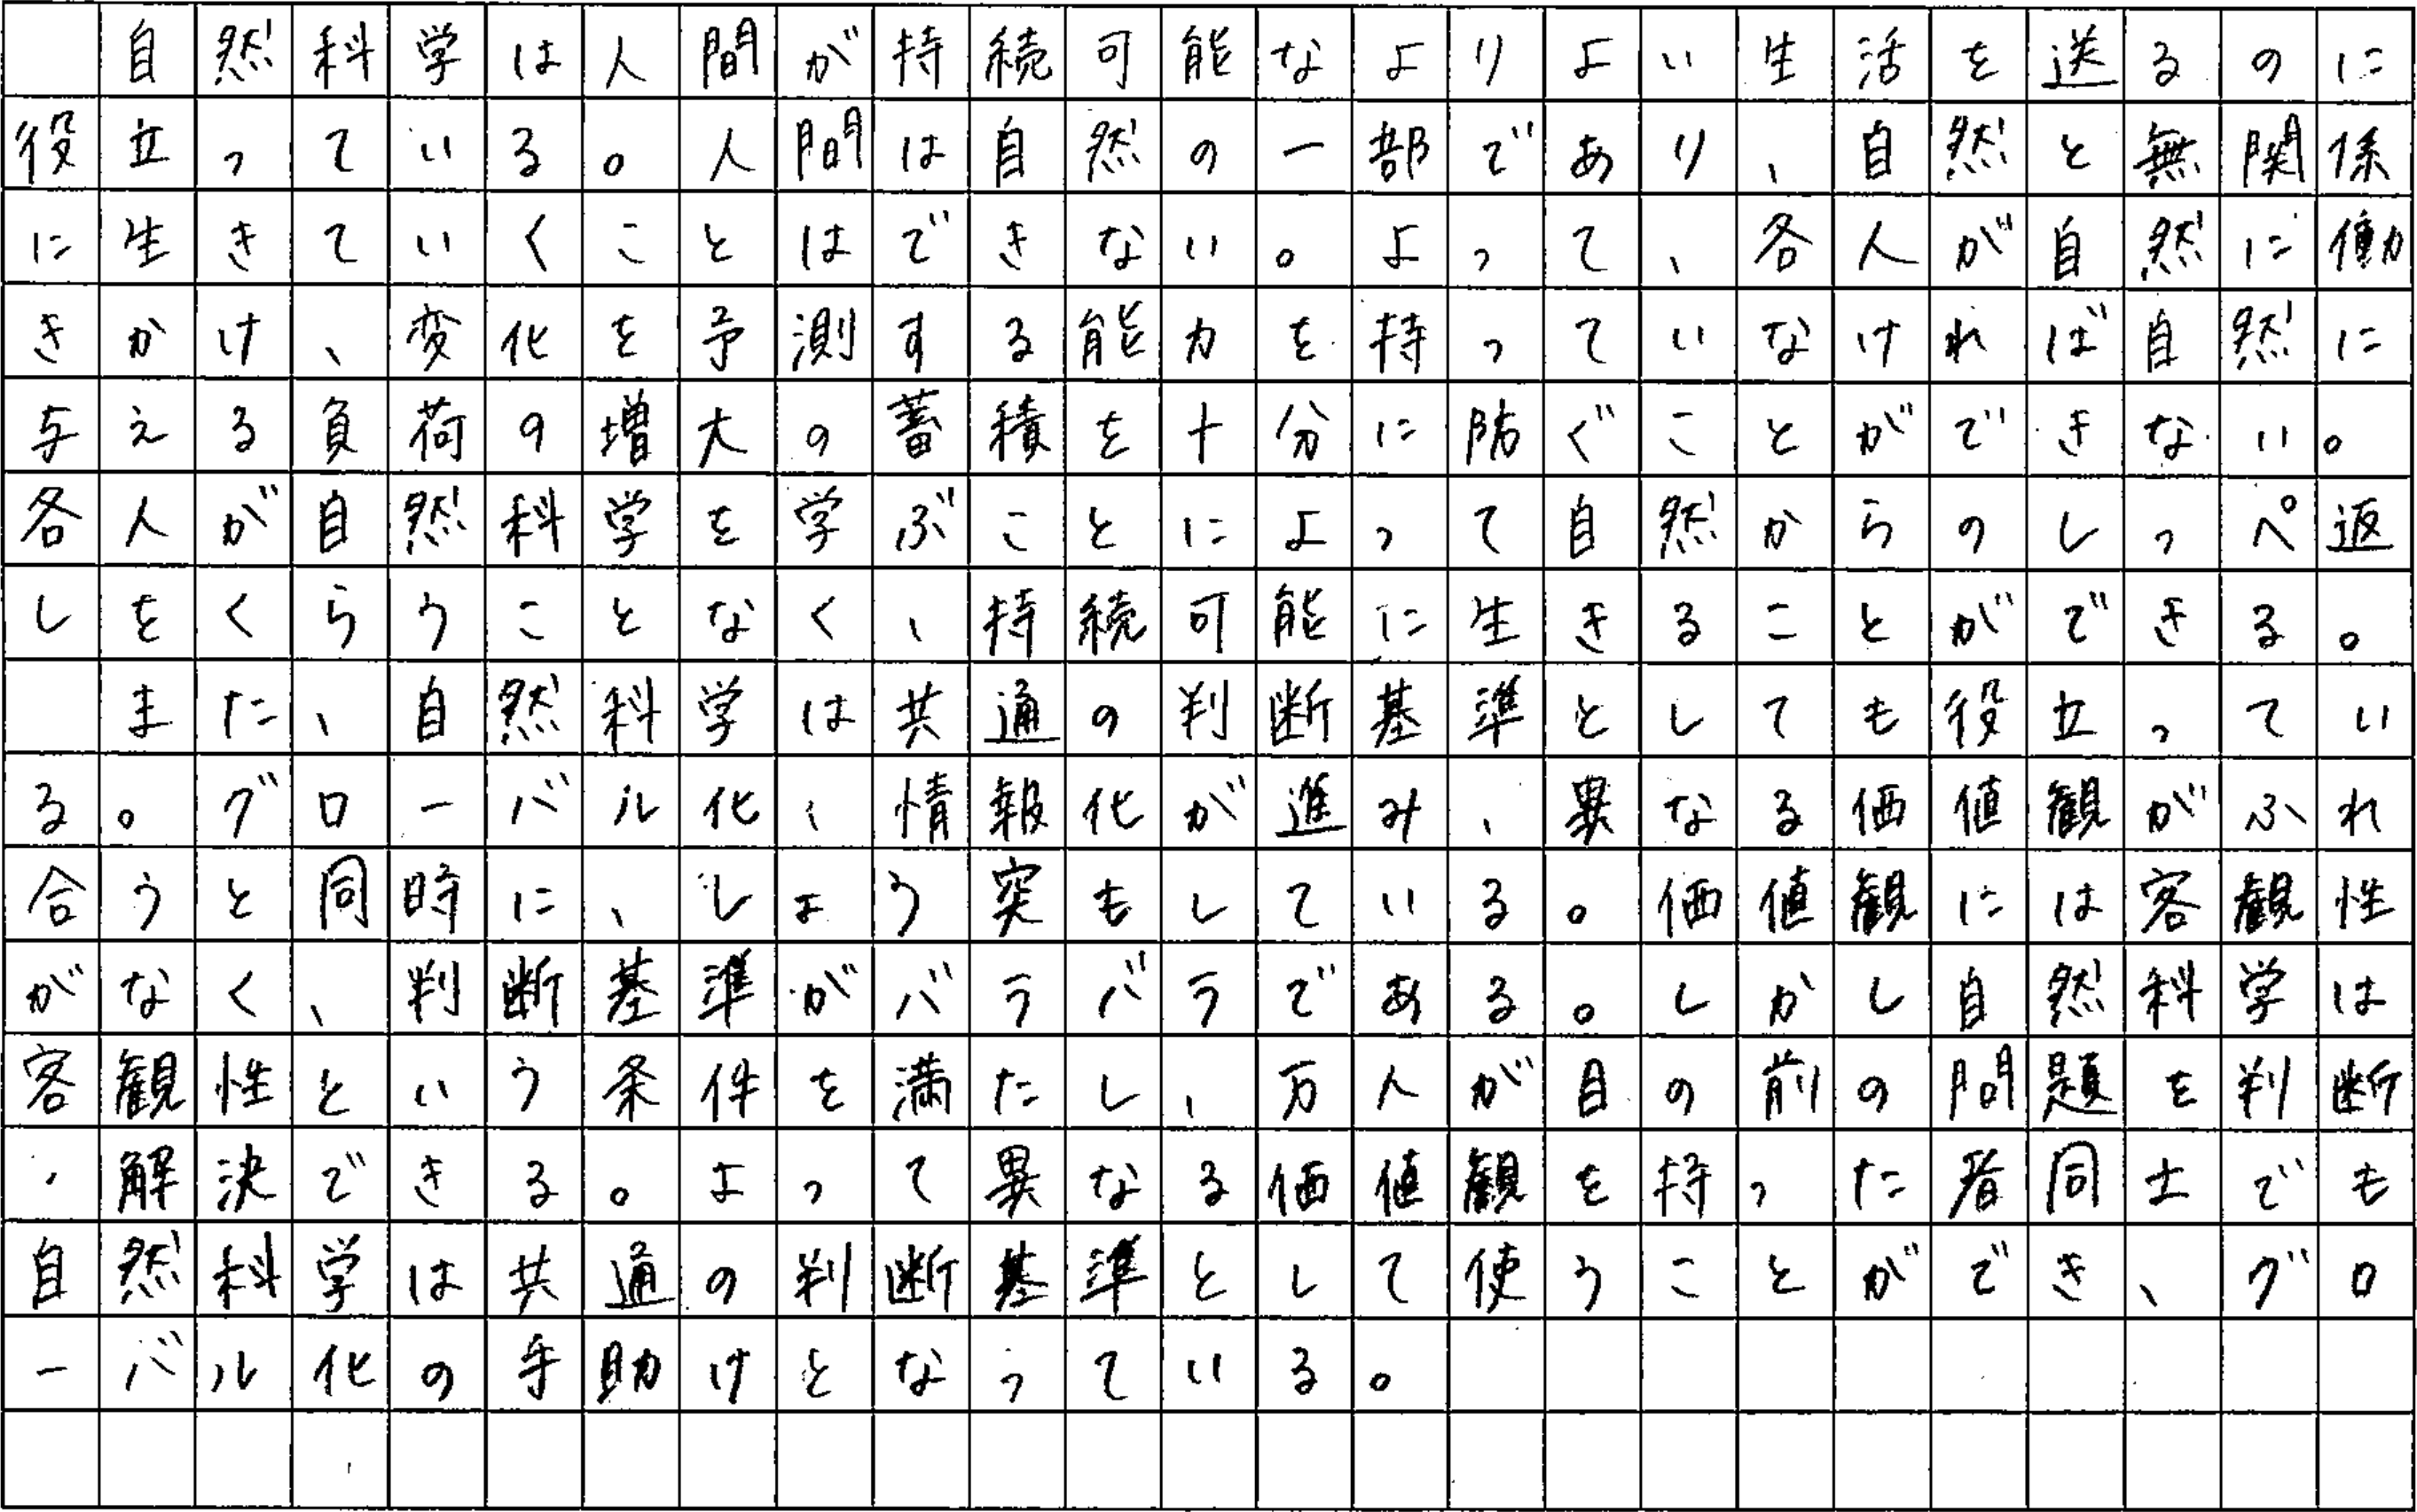　自然科学は人間が持続可能なよりよい生活を送るのに役立っている。人間は自然の一部であり、自然と無関係に生きていくことはできない。よって、各人が自然に働きかけ、変化を予測する能力を持っていなければ自然に与える府屋の増大の蓄積を十分に防ぐことができない。各人が自然科学を学ぶことによって自然からのしっぺ返しをくらうことなく、持続可能にいきることができる。
　また、自然科学は共通の判断基準としても役立っている。グローバル化、情報化が進み、異なる価値観がふれ合うと同時に、しょう突もしている。価値観には客観性がなく、判断基準がバラバラである。しかし自然科学は客観性という条件を満たし、万人が目の前の問題を判断・解決できる。よって異なる価値観を持った者同士でも自然科学は共通の判断基準として使うことができ、グローバル化の手助けとなっている。
